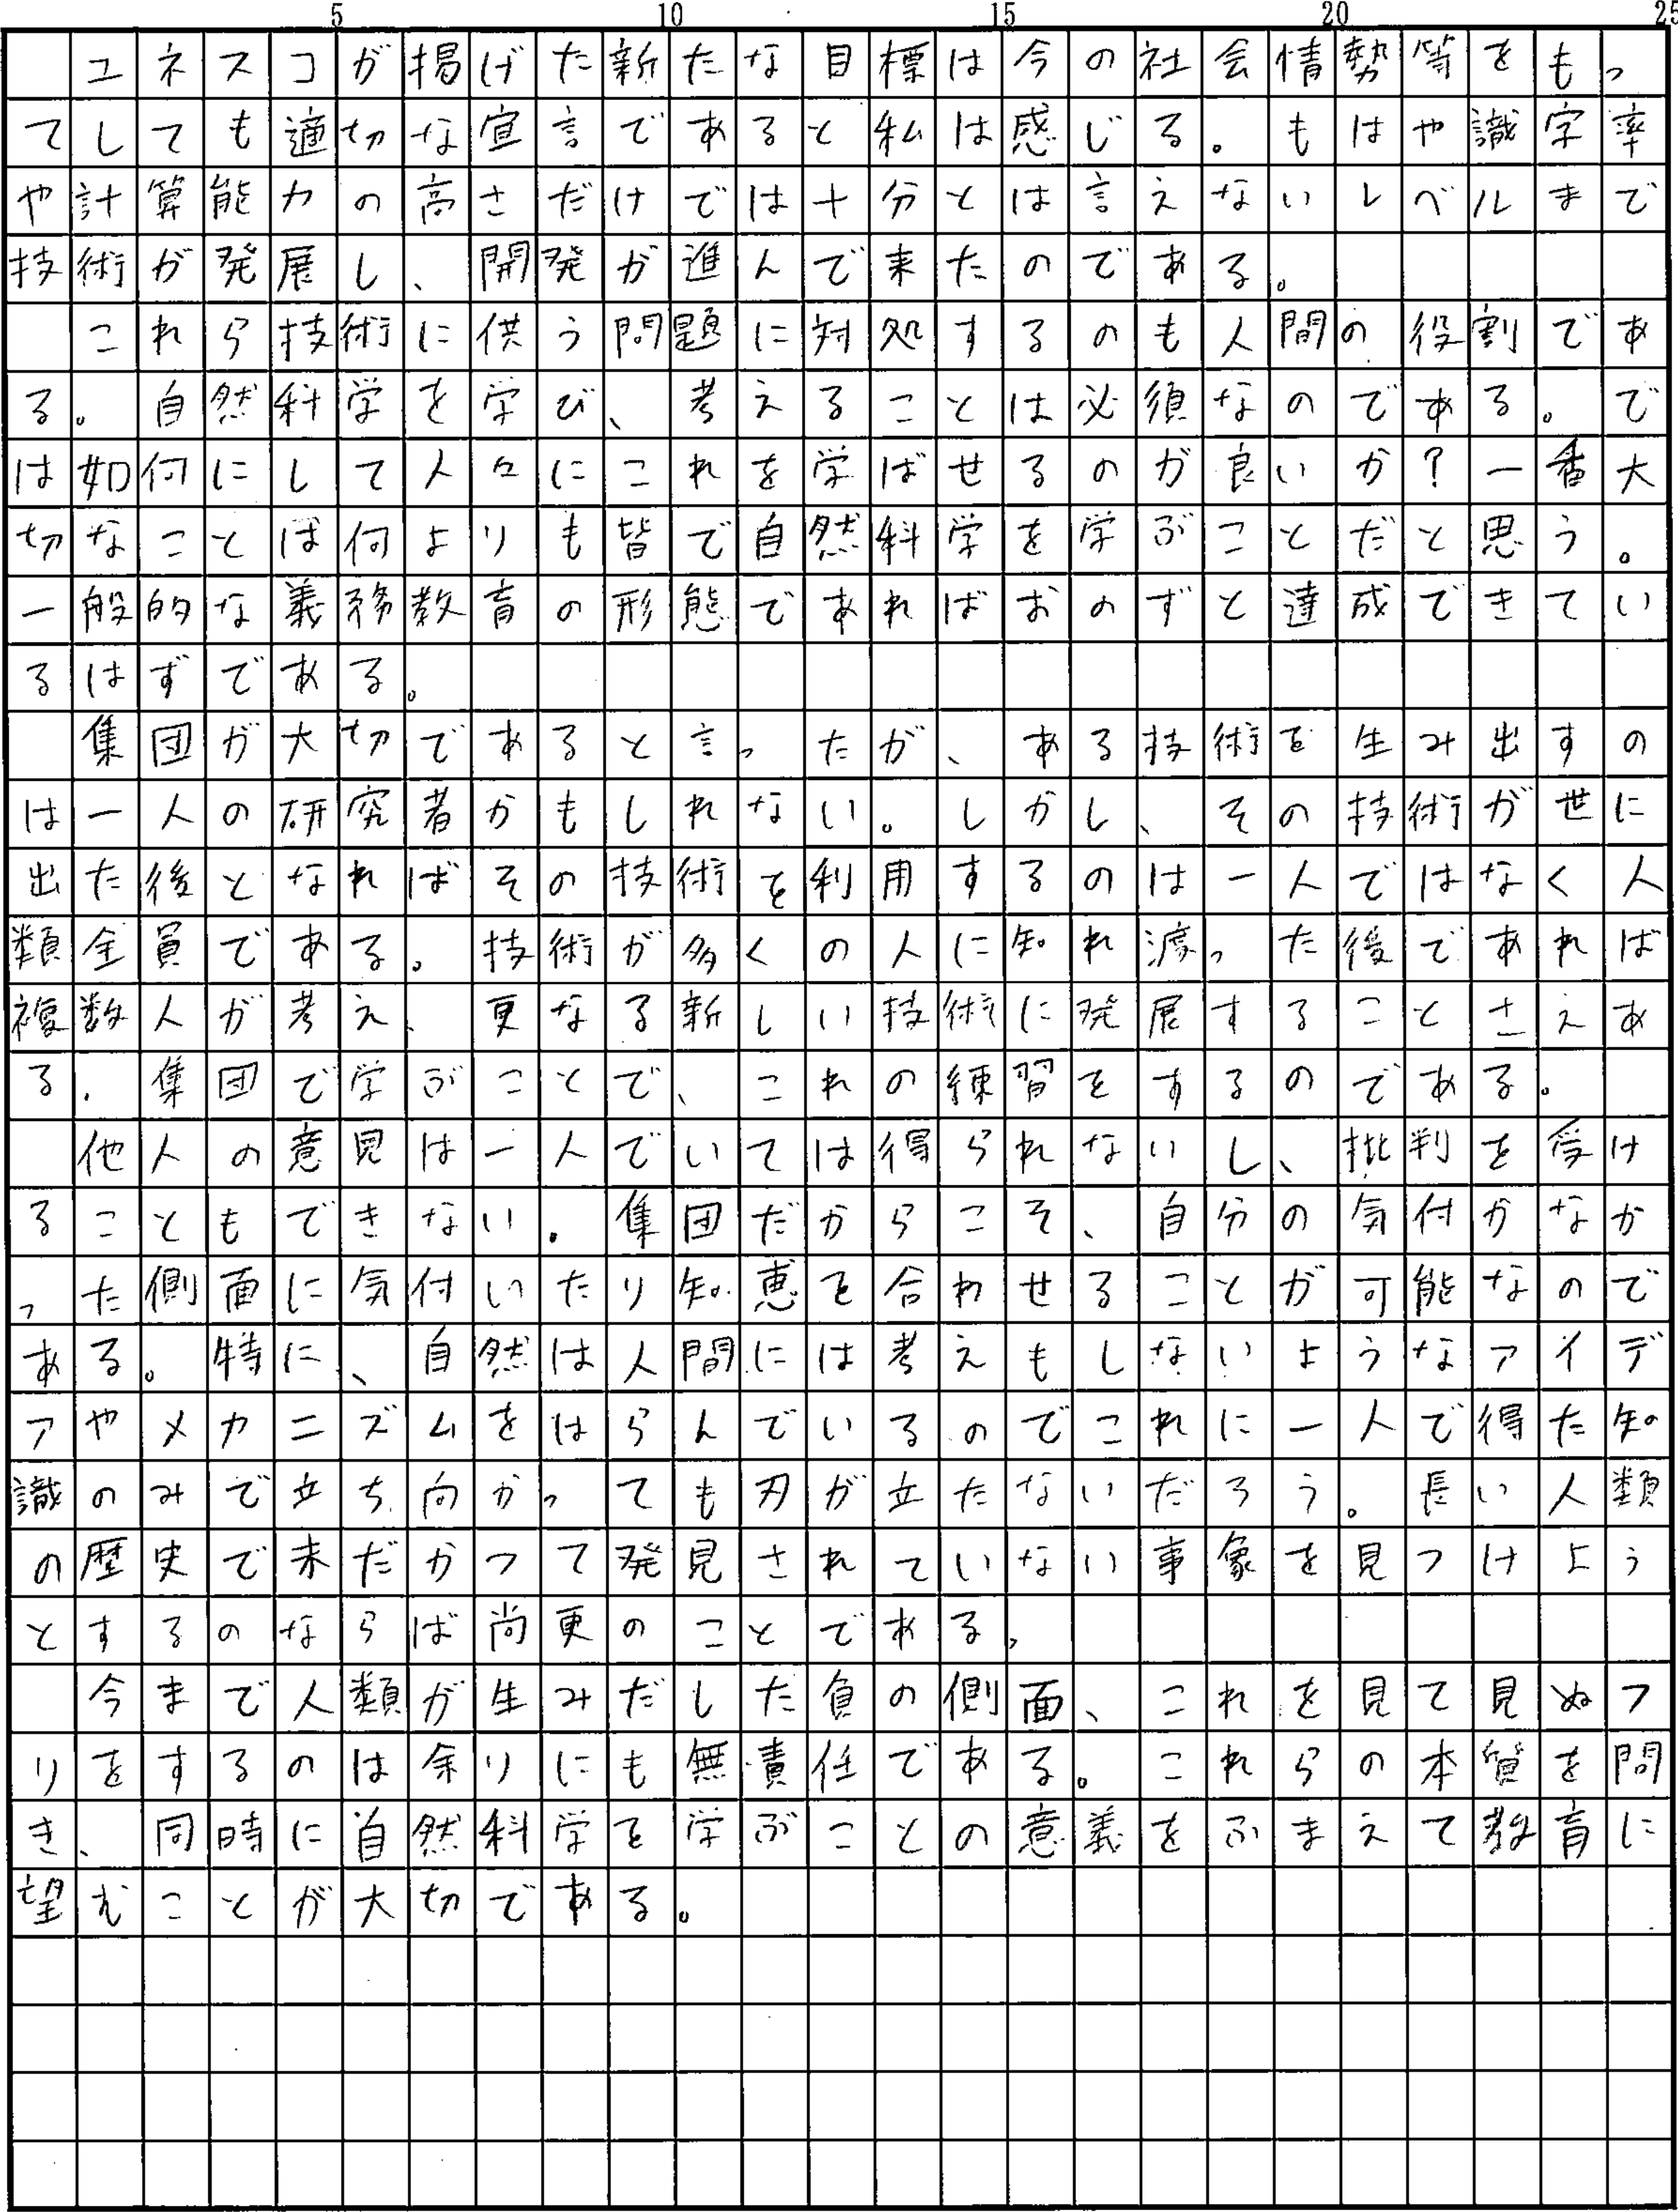　ユネスコが掲げた新たな目標は今の社会情勢等をもってしても適切な▁言であると私は感じる。もはや識字率や計算能力の高さだけでは十分とは言えないレベルまで技術が発展し、開発が進んで来たのである。
　これら技術に供う問題に対処するのも人間の役割である。自然科学を学び、考えることは必須なのである。では如何にして人々にこれを学ばせるのが良いか？一番大切なことは何よりも皆で自然科学を学ぶことだと思う。一般的な義務教育の形態であればおのずと達成できているはずである。
　集団が大切であると言ったが、ある技術を生み出すのは一人の研究者かもしれない。しかし、その技術が世に出た後となればその技術を利用するのは一人ではなく人類全員である。技術が多くの人に知れ渡った後であれば複数人が考え、更なる新しい技術に発展することさえある。集団で学ぶことで、これの練習をするのである。
　他人の意見は一人でいては得られないし、批判を受けることもできない。集団だからこそ、自分の気付かなかった側面に気付いたり知▁を合わせることが可能なのである。特に、自然は人間には考えもしないようなアイデアやメカニズムをはらんでいるのでこれに一人で得た知識のみで立ち向かっても刃が立たないだろう。長い人類の歴史で未だかつて発見されていない事象を見つけようとするのならば尚更のことである。
　今まで人類が生みだした負の側面、これを見て見ぬフリをするのは余りにも無責任である。これらの本質を問き、同時に自然科学を学ぶことの意義をふまえて教育に望むことが大切である。
